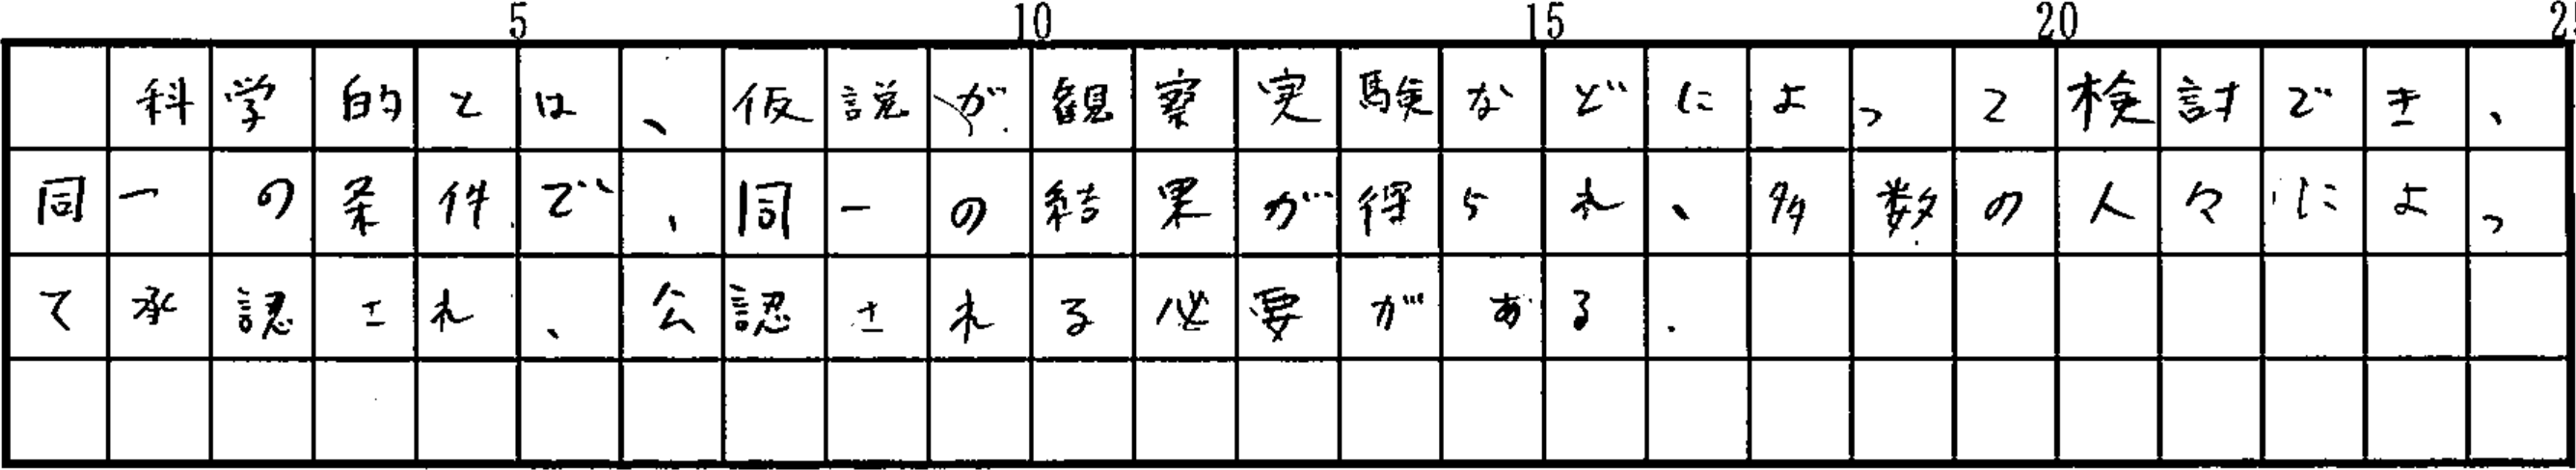　科学的とは、仮説が観察実験などによって検討でき、同一の条件で、同一の結果が得られ、多数の人々によって承認され、公認される必要がある。
